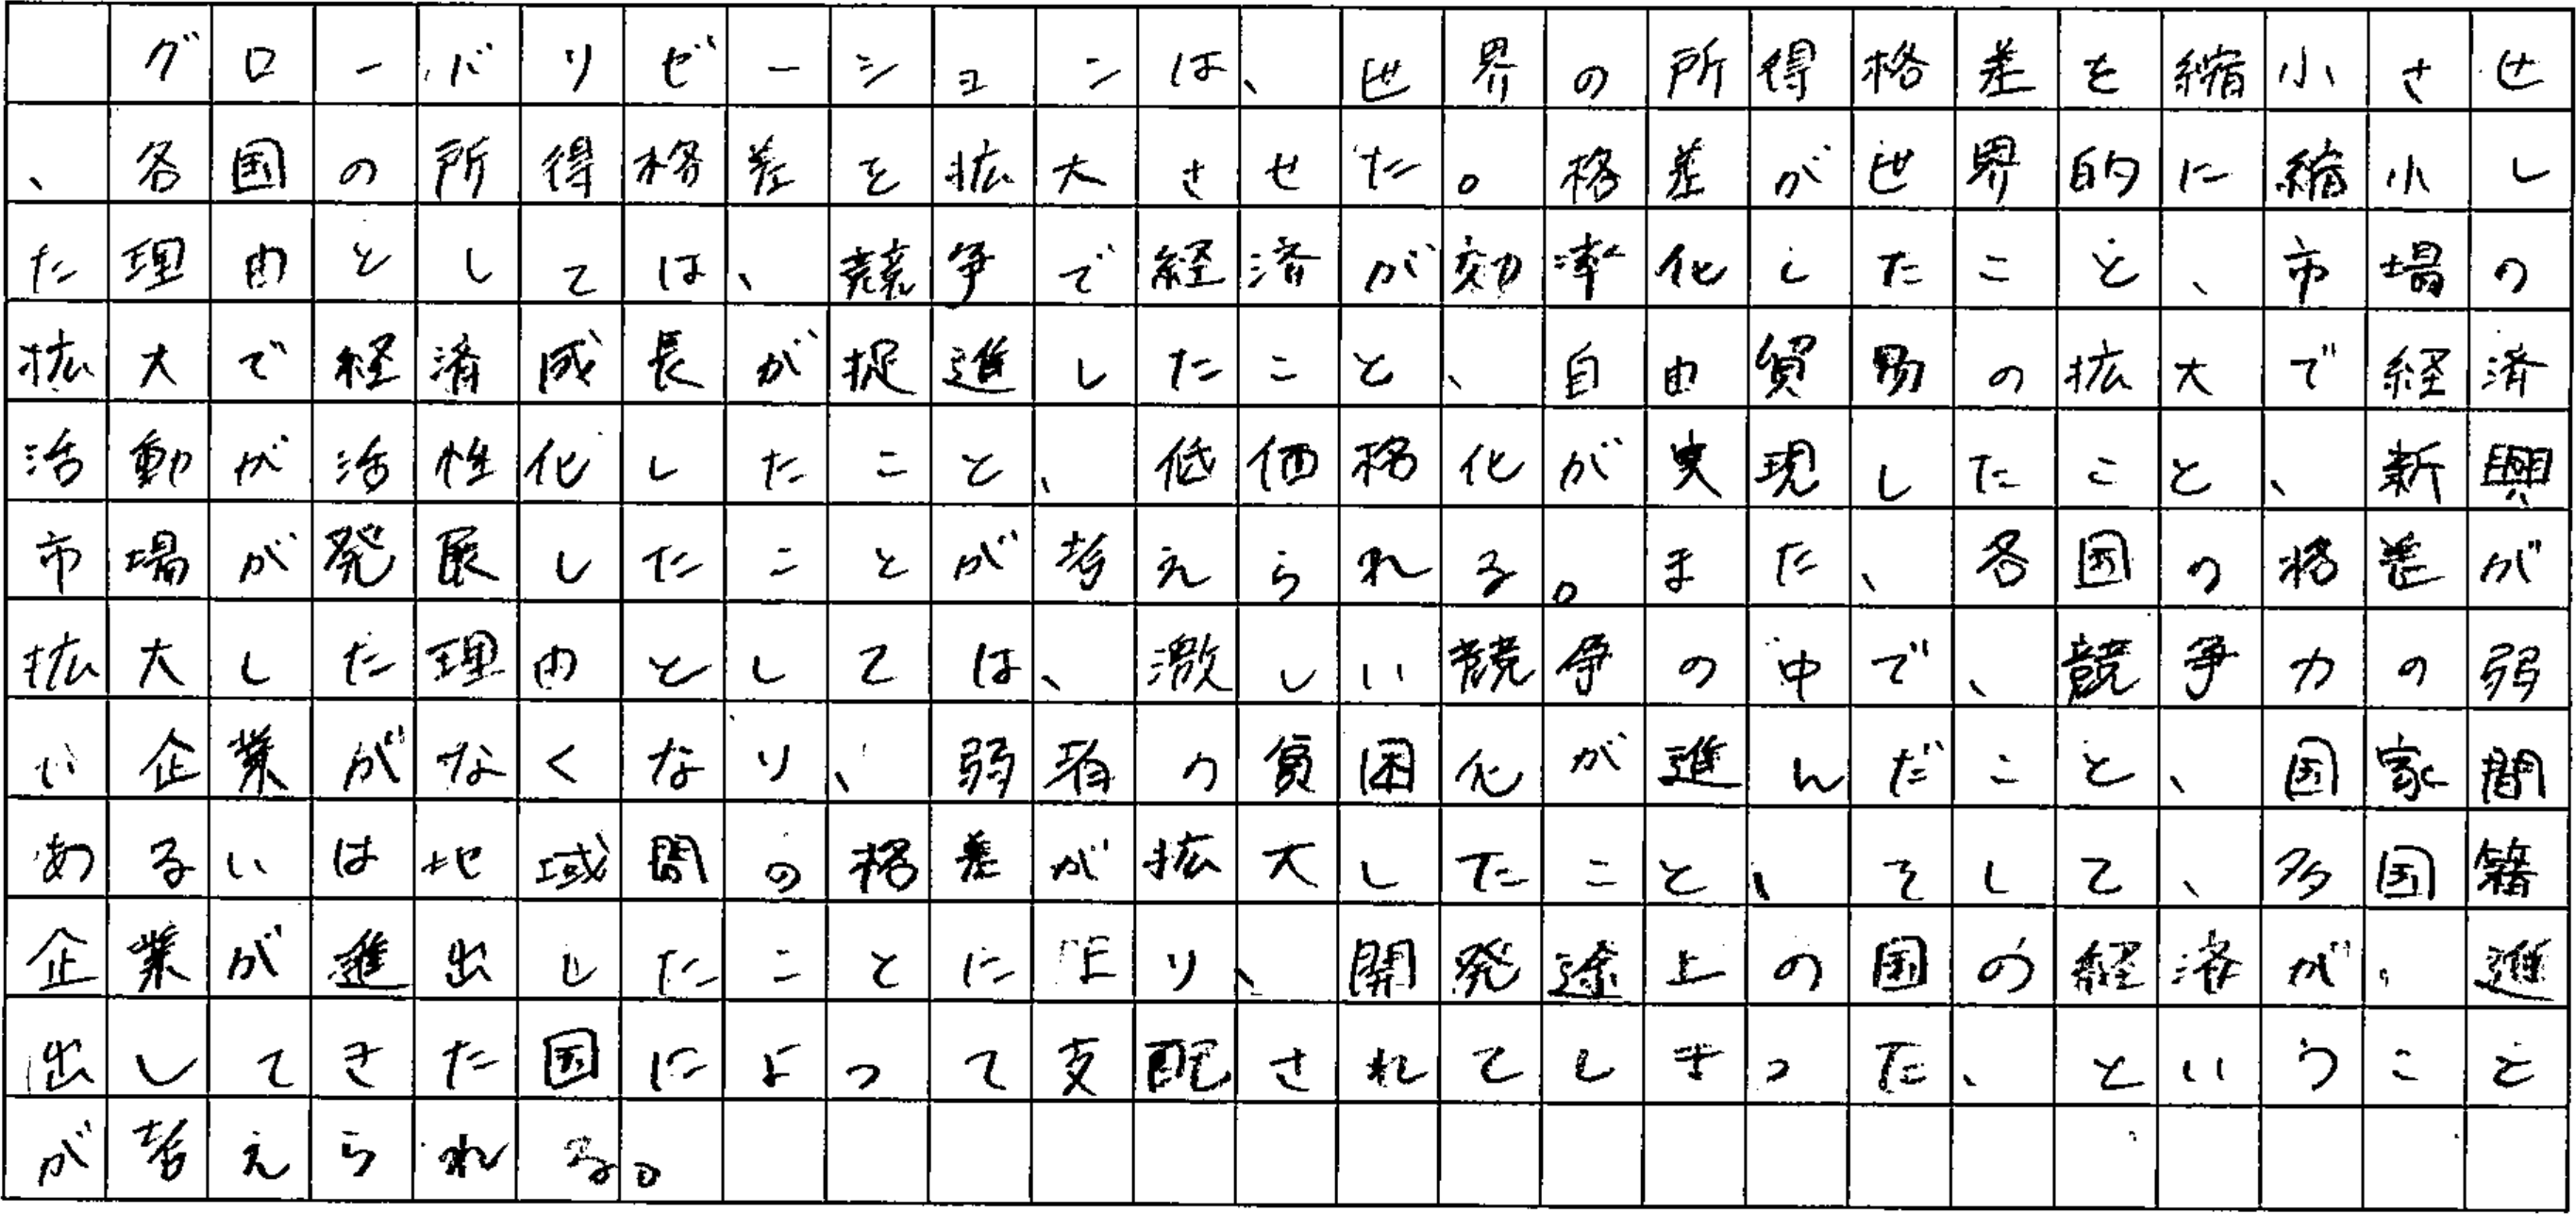　グローバリゼーションは、世界の所得格差を縮小させ、各国の所得格差を拡大させた。格差が世界的に縮小した理由としては、競争で経済が効率化したこと、市場の拡大で経済成長が捉進したこと、自由貿易の拡大で経済活動が活性化したこと、低価格化が実現したこと、新興市場が発展したことが考えられる。また、各国の格差が拡大した理由としては、激しい競争の中で、競争力の弱い企業がなくなり、弱者の貧困化が進んだこと、国家間あるいは地域間の格差が拡大したこと、そして、多国籍企業が進出したことにより、開発途上の国の経済が、進出してきた国によって支配されてしまった、ということが考えられる。
